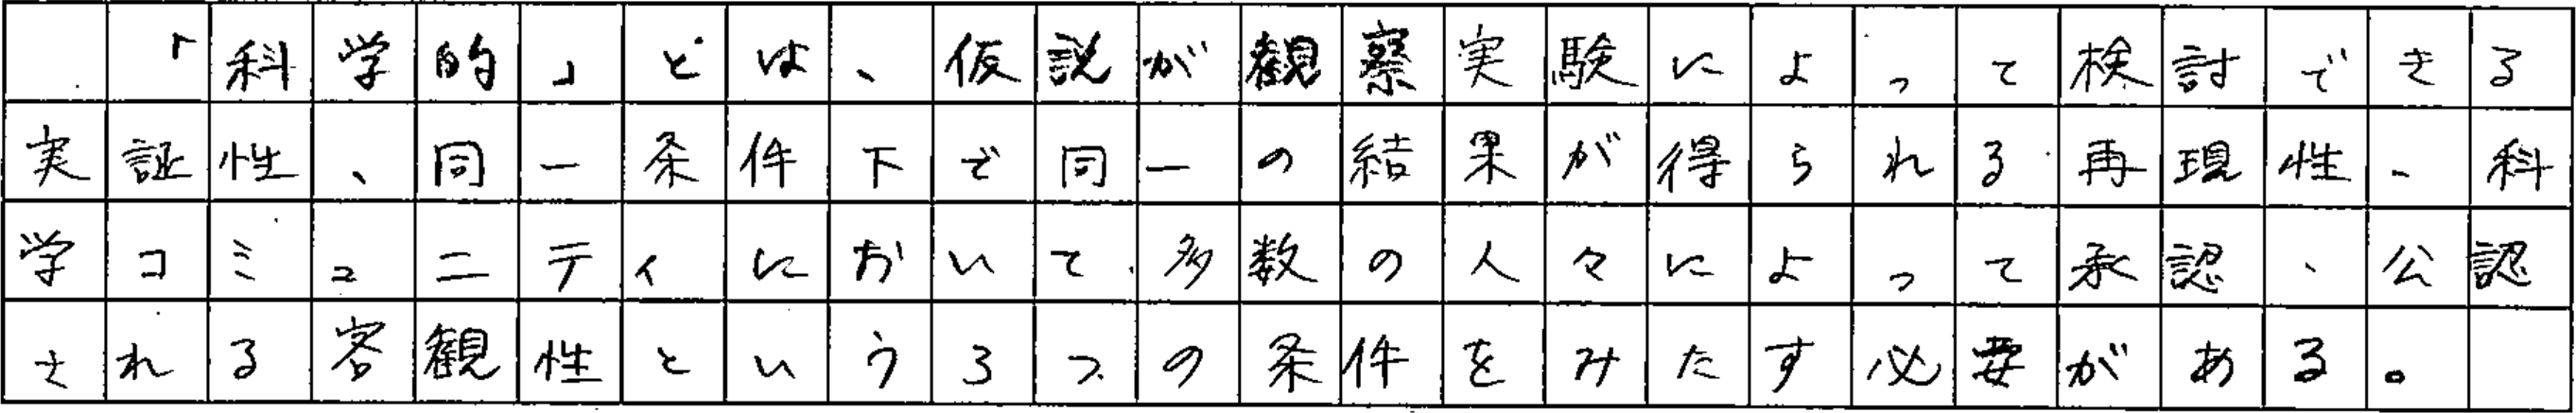　「科学的」とは、仮説が観察実験によって検討できる実証性、同一条件下で同一の結果が得られる再現性、科学コミュニティにおいて多数の人々によって承認・公認される客観性という３つの条件をみたす必要がある。
